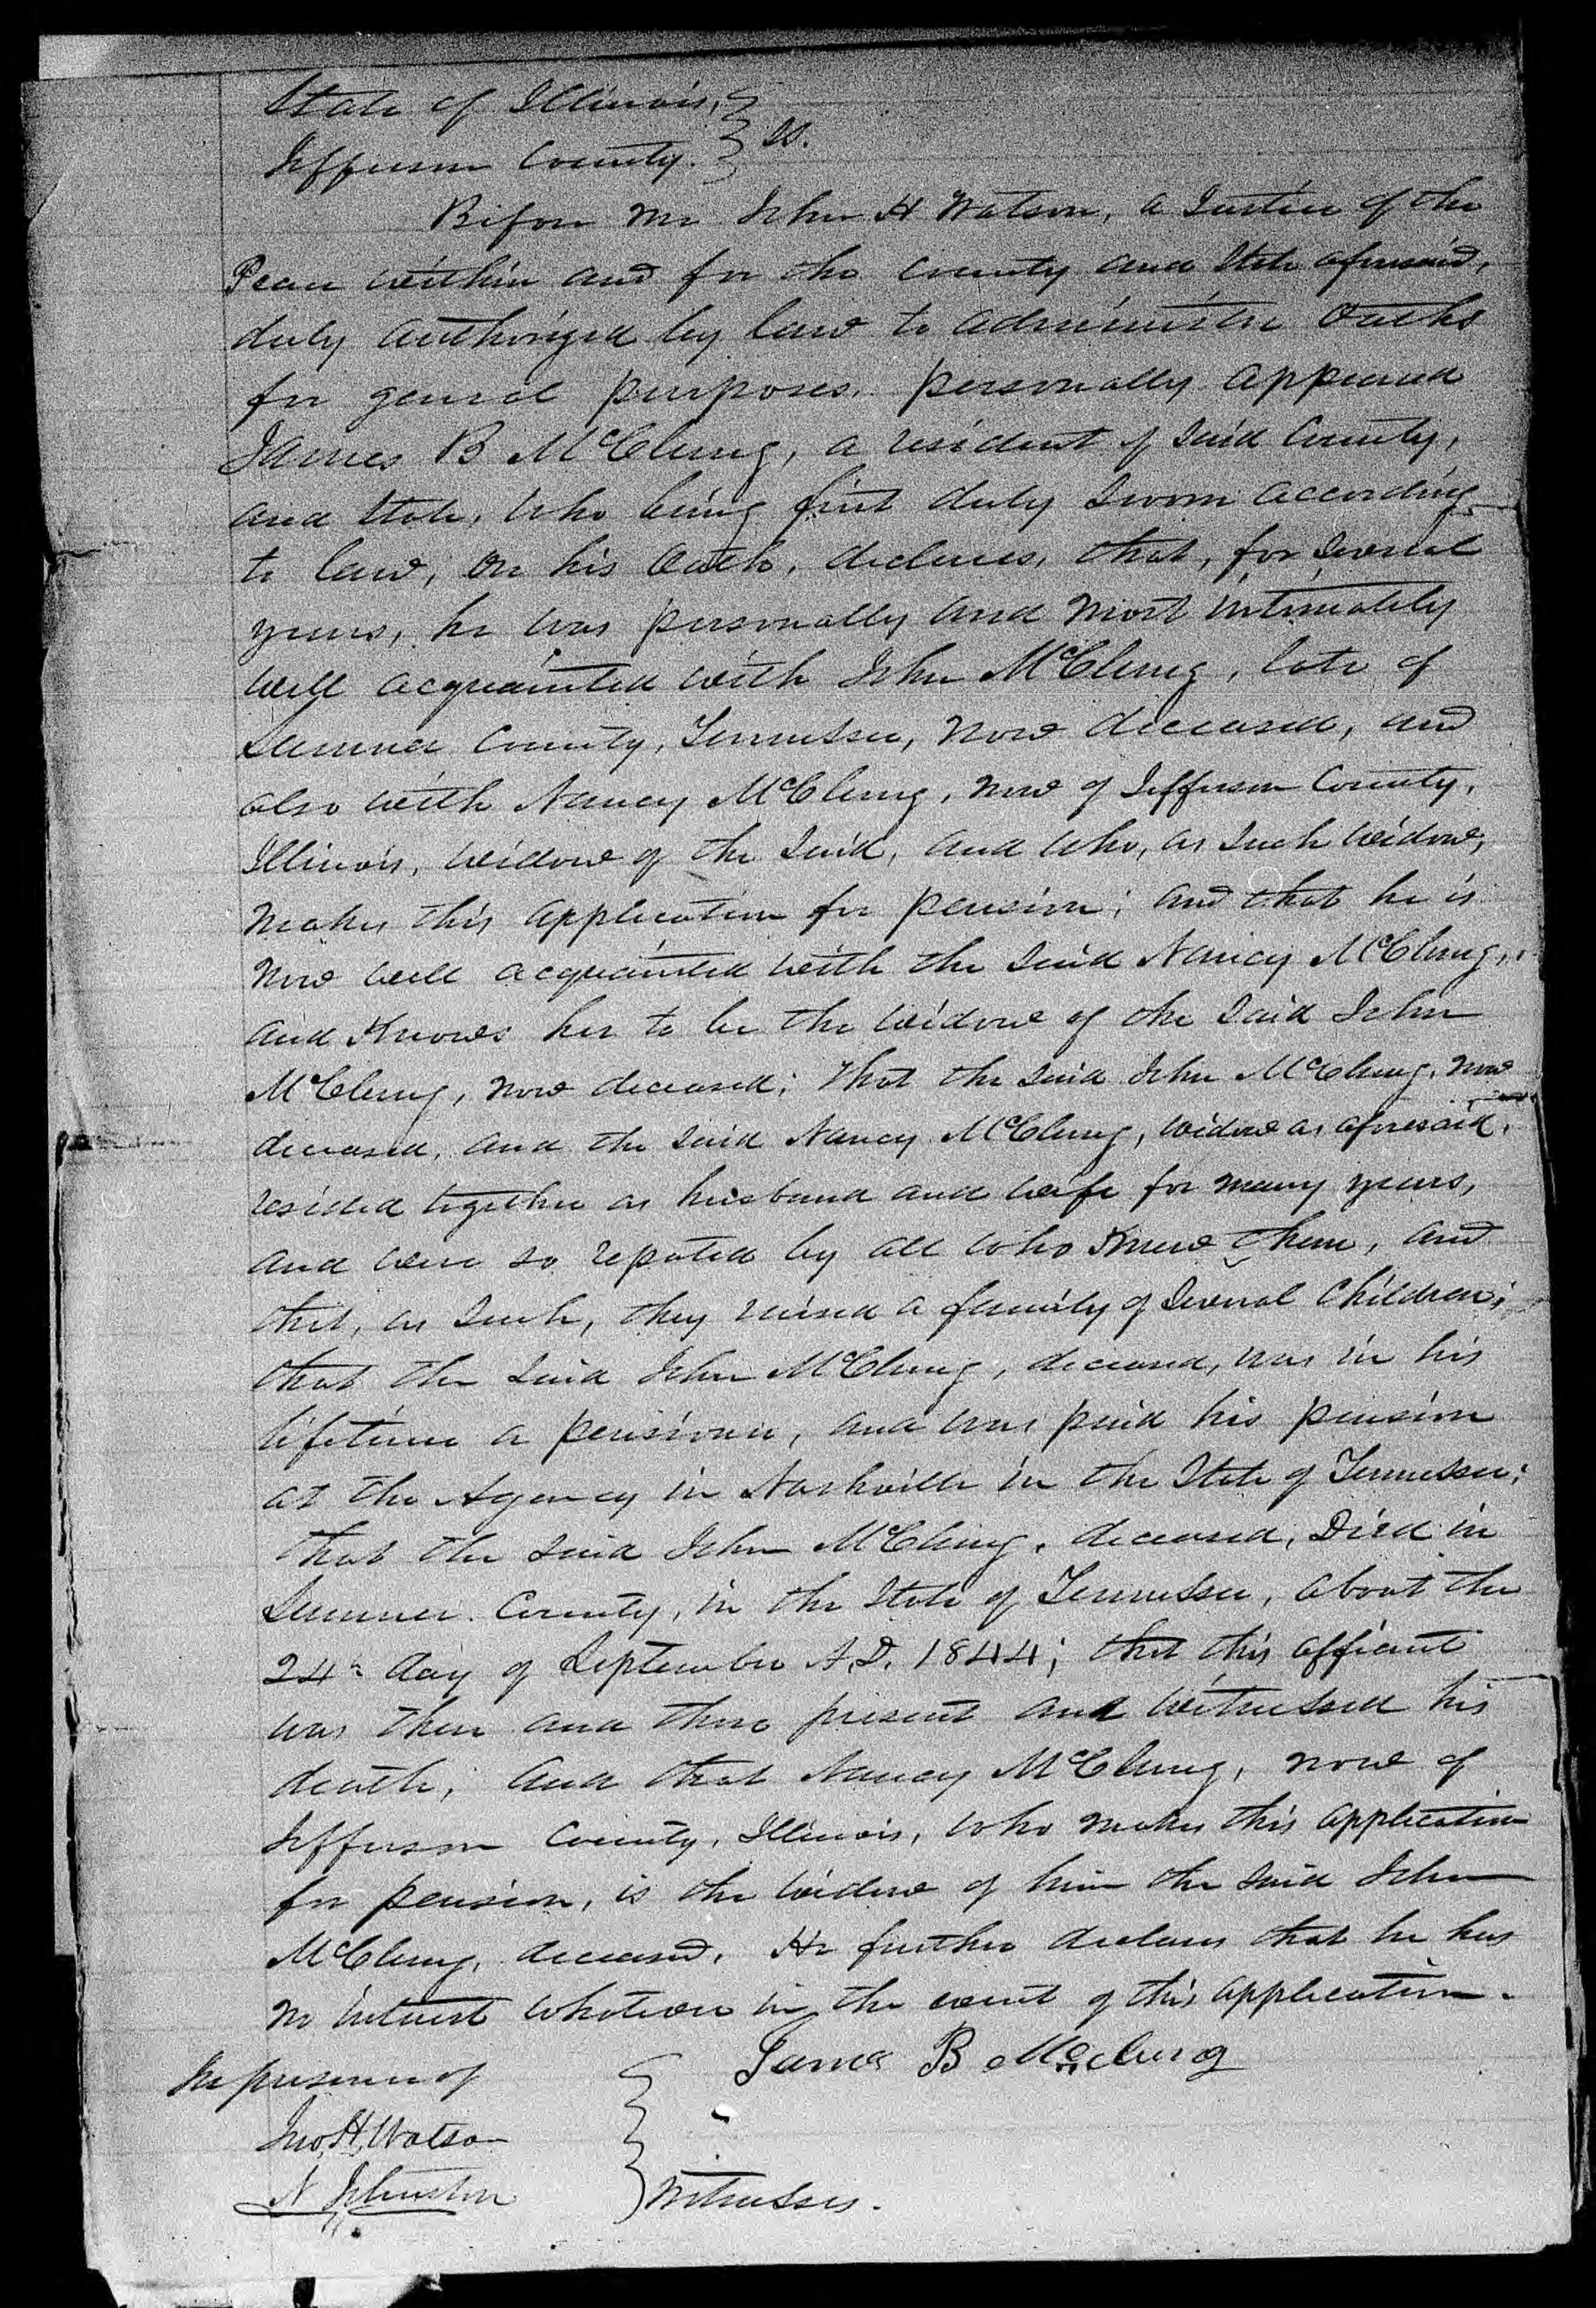State of Illinois }
Jefferson County } SS.

Before me John H Watson, a Justice of the 
Peace within and for the County and State aforesaid, 
duly authorized by law to administer oaths 
for general purpose personally appeared 
James B McClung, a resident of said County, 
and State, who being first duly sworn according 
to law, on his oath, declares that, for several 
years, he was personally and most intimately 
well acquainted with John McClung, late of 
Sumner County, Tennessee, now deceased, and 
also with Nancy McClung, now of Jefferson County,
Illinois, widow of the said, and who, as such widow, 
makes this application for pension, and that he is 
now well acquainted with the said Nancy McClung 
and knowes [knows] her to be the widow of the said John 
McClung, now deceased. That the said John McClung, now 
deceased, and the said Nancy McClung, widow as aforesaid, 
resided together as husband and wife for many years, 
and were so reputed by all who knew them, and 
that, as such, they raised a family of several children; 
that the said John McClung, deceased, was in his 
lifetime a pensioner, and was paid his pension 
at the Agency in Nashville in the State of Tennessee; 
that the said John McClung, deceased, died in 
Sumner County, in the State of Tennessee, about the 
24th day of September A.D. 1844; that this affiant 
was there and then present and witnessed his 
death; and that Nancy McClung, now of
Jefferson County, Illinois, who makes this application 
for pension, is the widow of him the said John 
McClung, deceased.  He further declares that he has 
no interest whatever in the result of this application.
In presence of } James B McClung
Jno H. Watson }
N. Johnston } Witnesses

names: Nancy Mc Clung; N Johnston; James B Mc Clung; John Mc Clung; John H Watson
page: 32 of 115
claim: widow's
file: W. 1446, for John Mc Clung, South Carolina